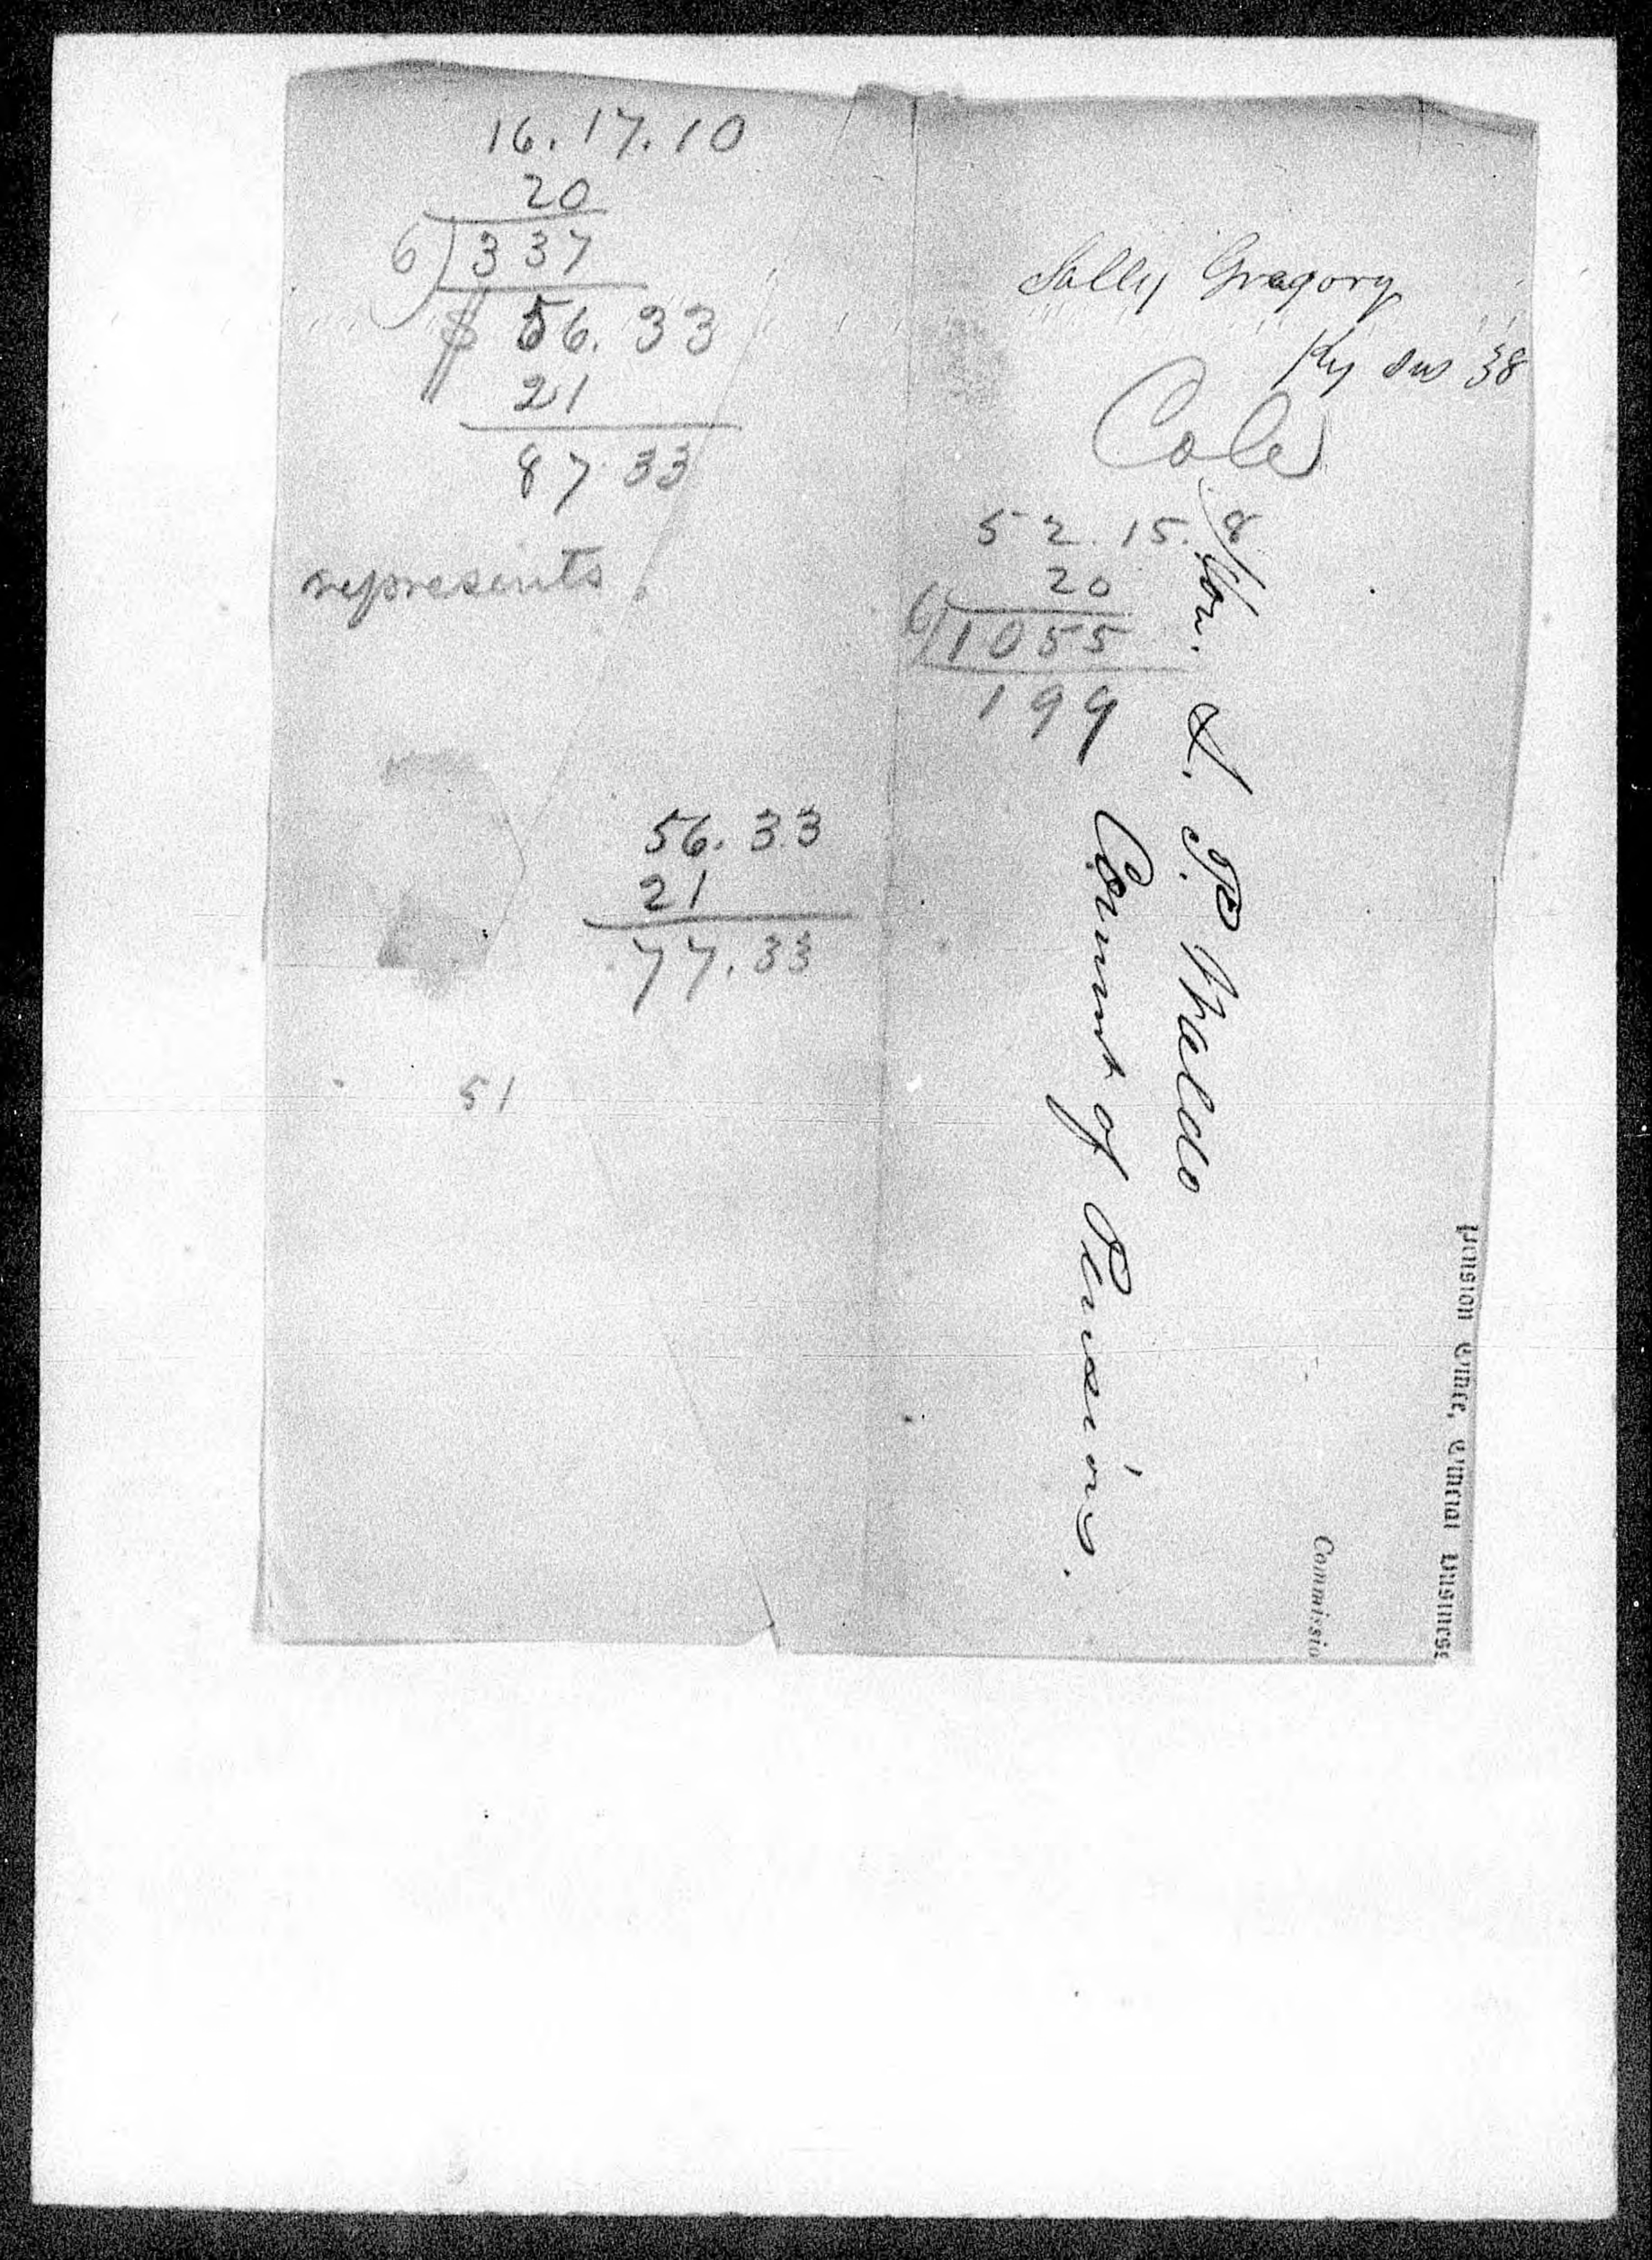[left side shows arithmetic to change £ into $]

[£] 16.17.10
[X]  20
__________
6 ) 337
$56.33  [marked over $66.33]
[+] 21
______
87.33

represents

56.33
[+] 21
______
77.33

51

[right side]

Sally Gregory
Ky [?] 38
Cole

[arithmetic to change £ into $]
[£]  52.15.8
[X] 20
________
6) 1055
_______
199

[vertical address]

Hon. L. P. Waldo
Comms'r of Pensions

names: Sally Gregory, Cole, L P Waldo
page: 29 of 75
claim: widow's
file: W. 8876, Thomas Gregory, Continental Va